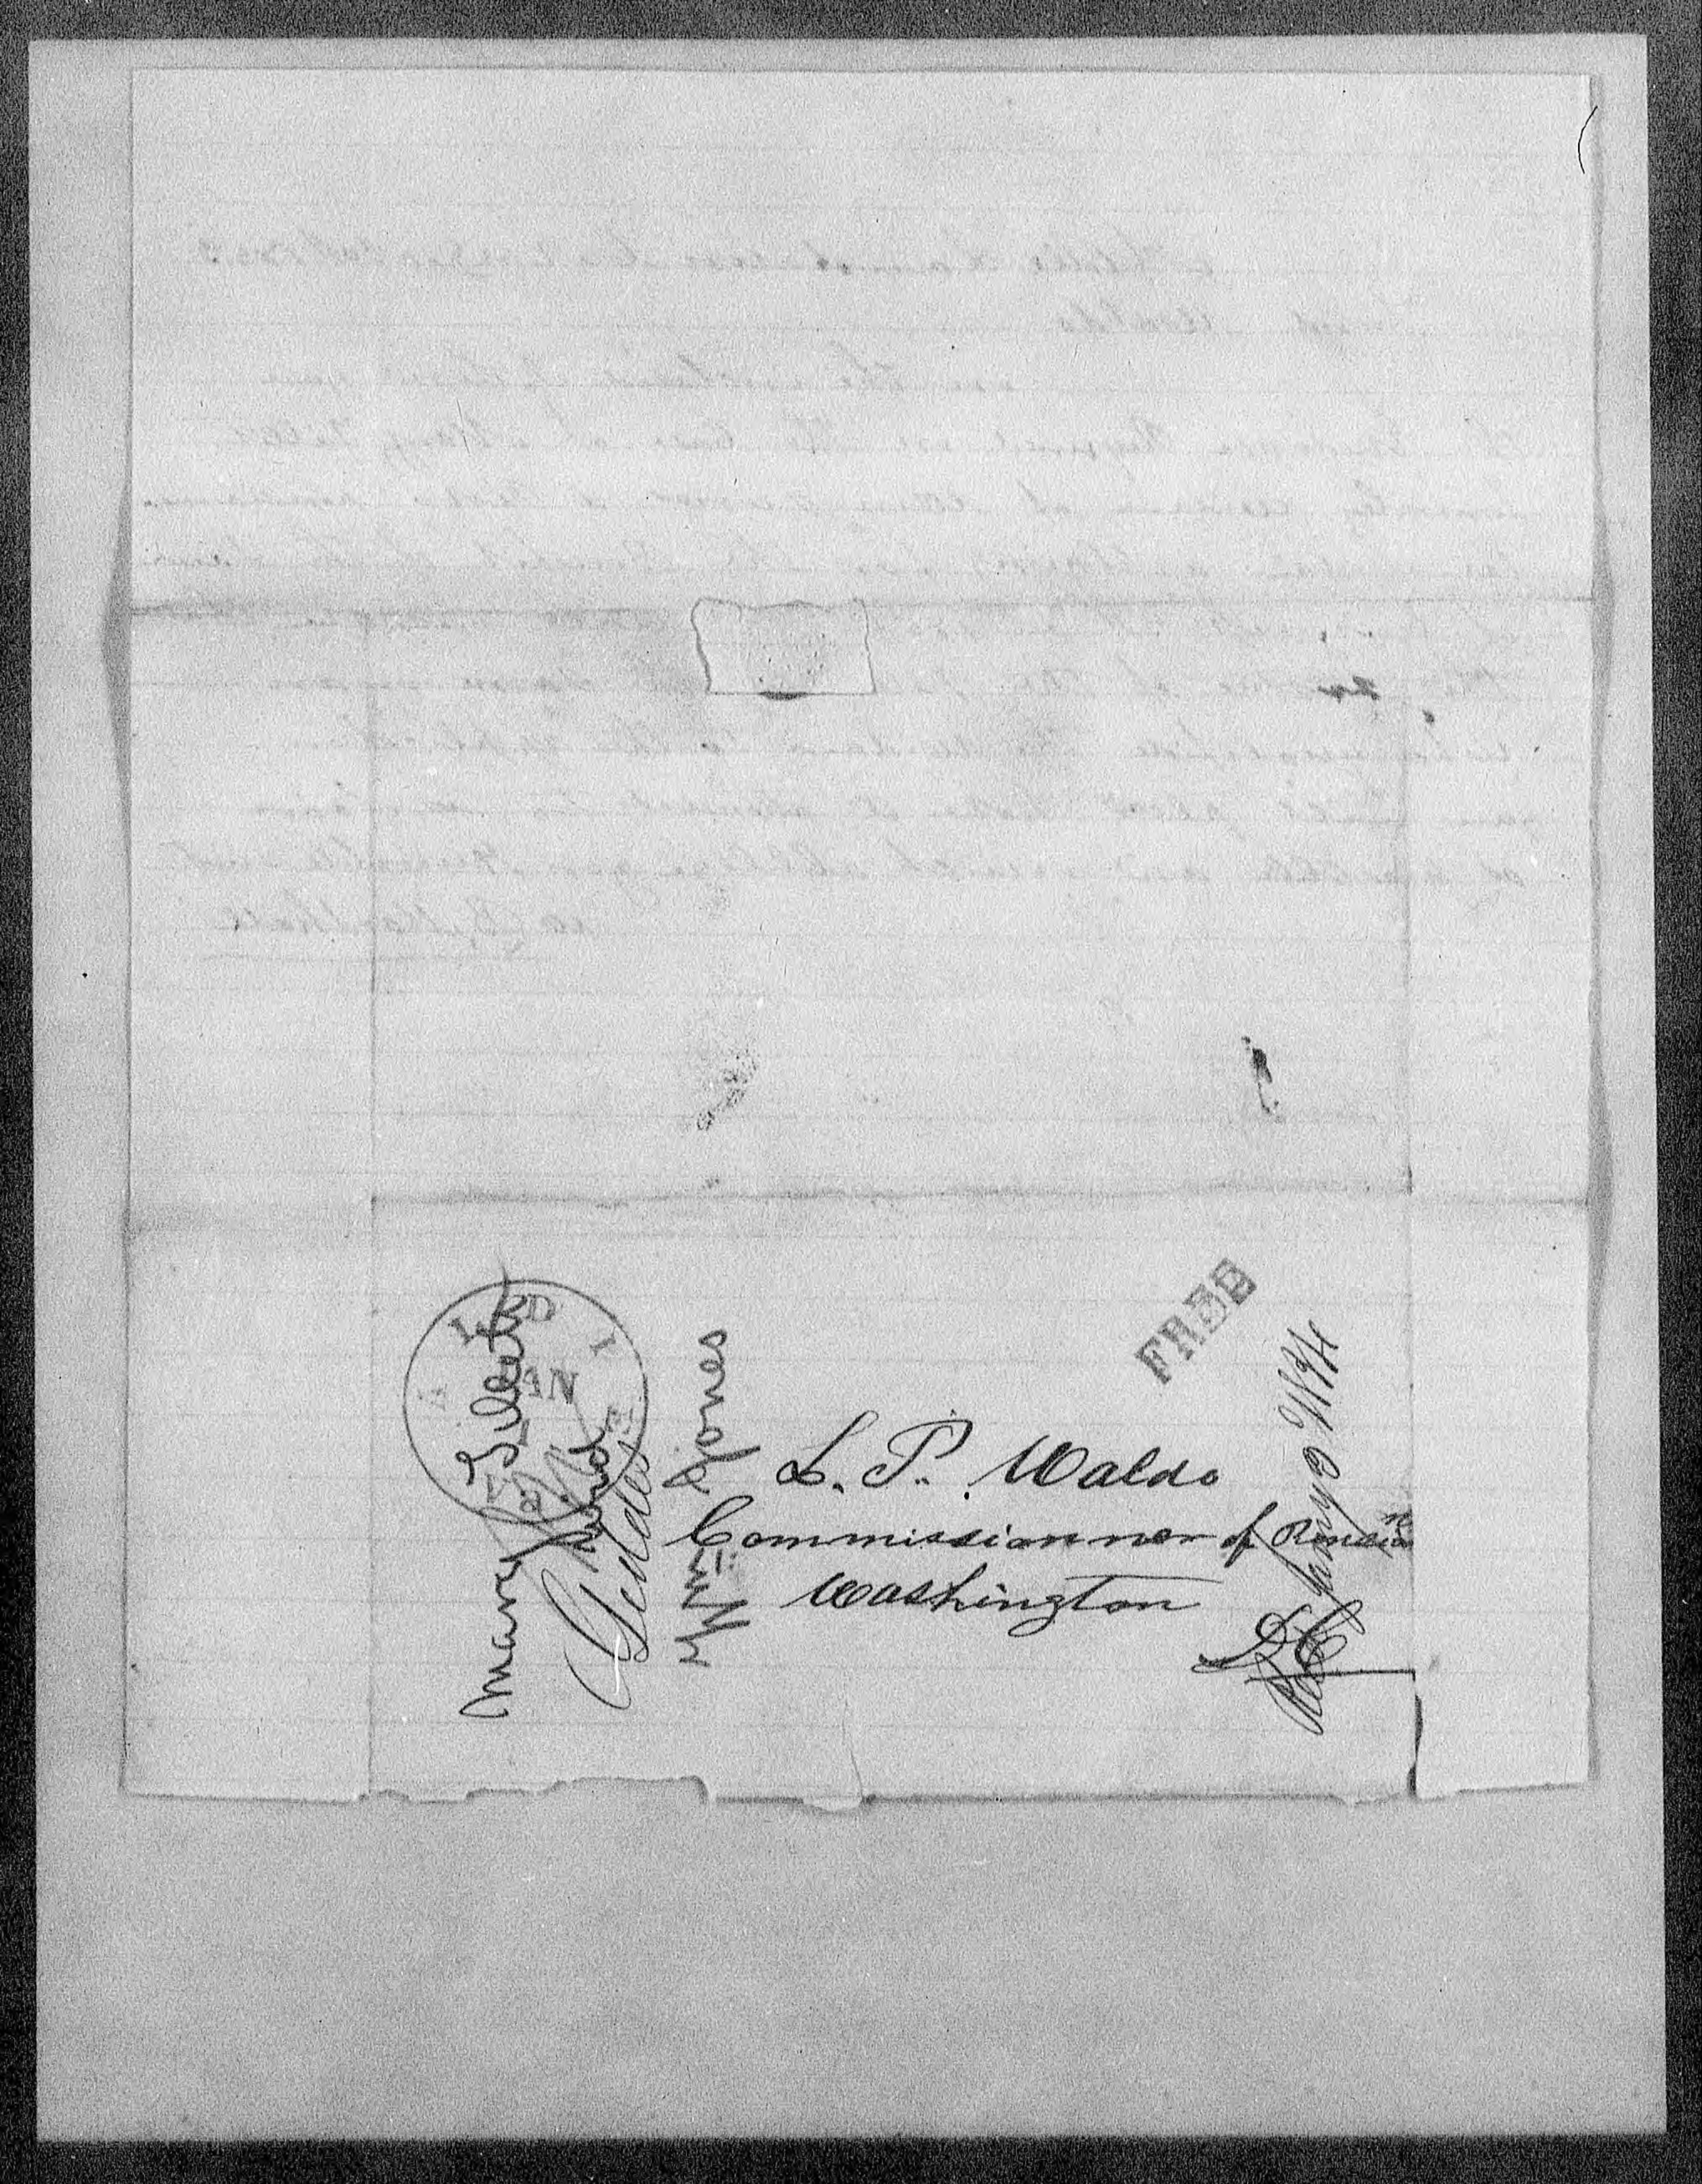[stamp]
LOUDOUN
JAN
1
Va.

FREE

Mary Tillett 
Geddes
Wm. Jones

L.P. Waldo
Commissioner of Pensions
Washington  DC

46110 [?]
Recd. Jany 2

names: L P Waldo; Mary Tillett; Wm Jones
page: 23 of 39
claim: widow's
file: W 6292, for William Jones, Maryland